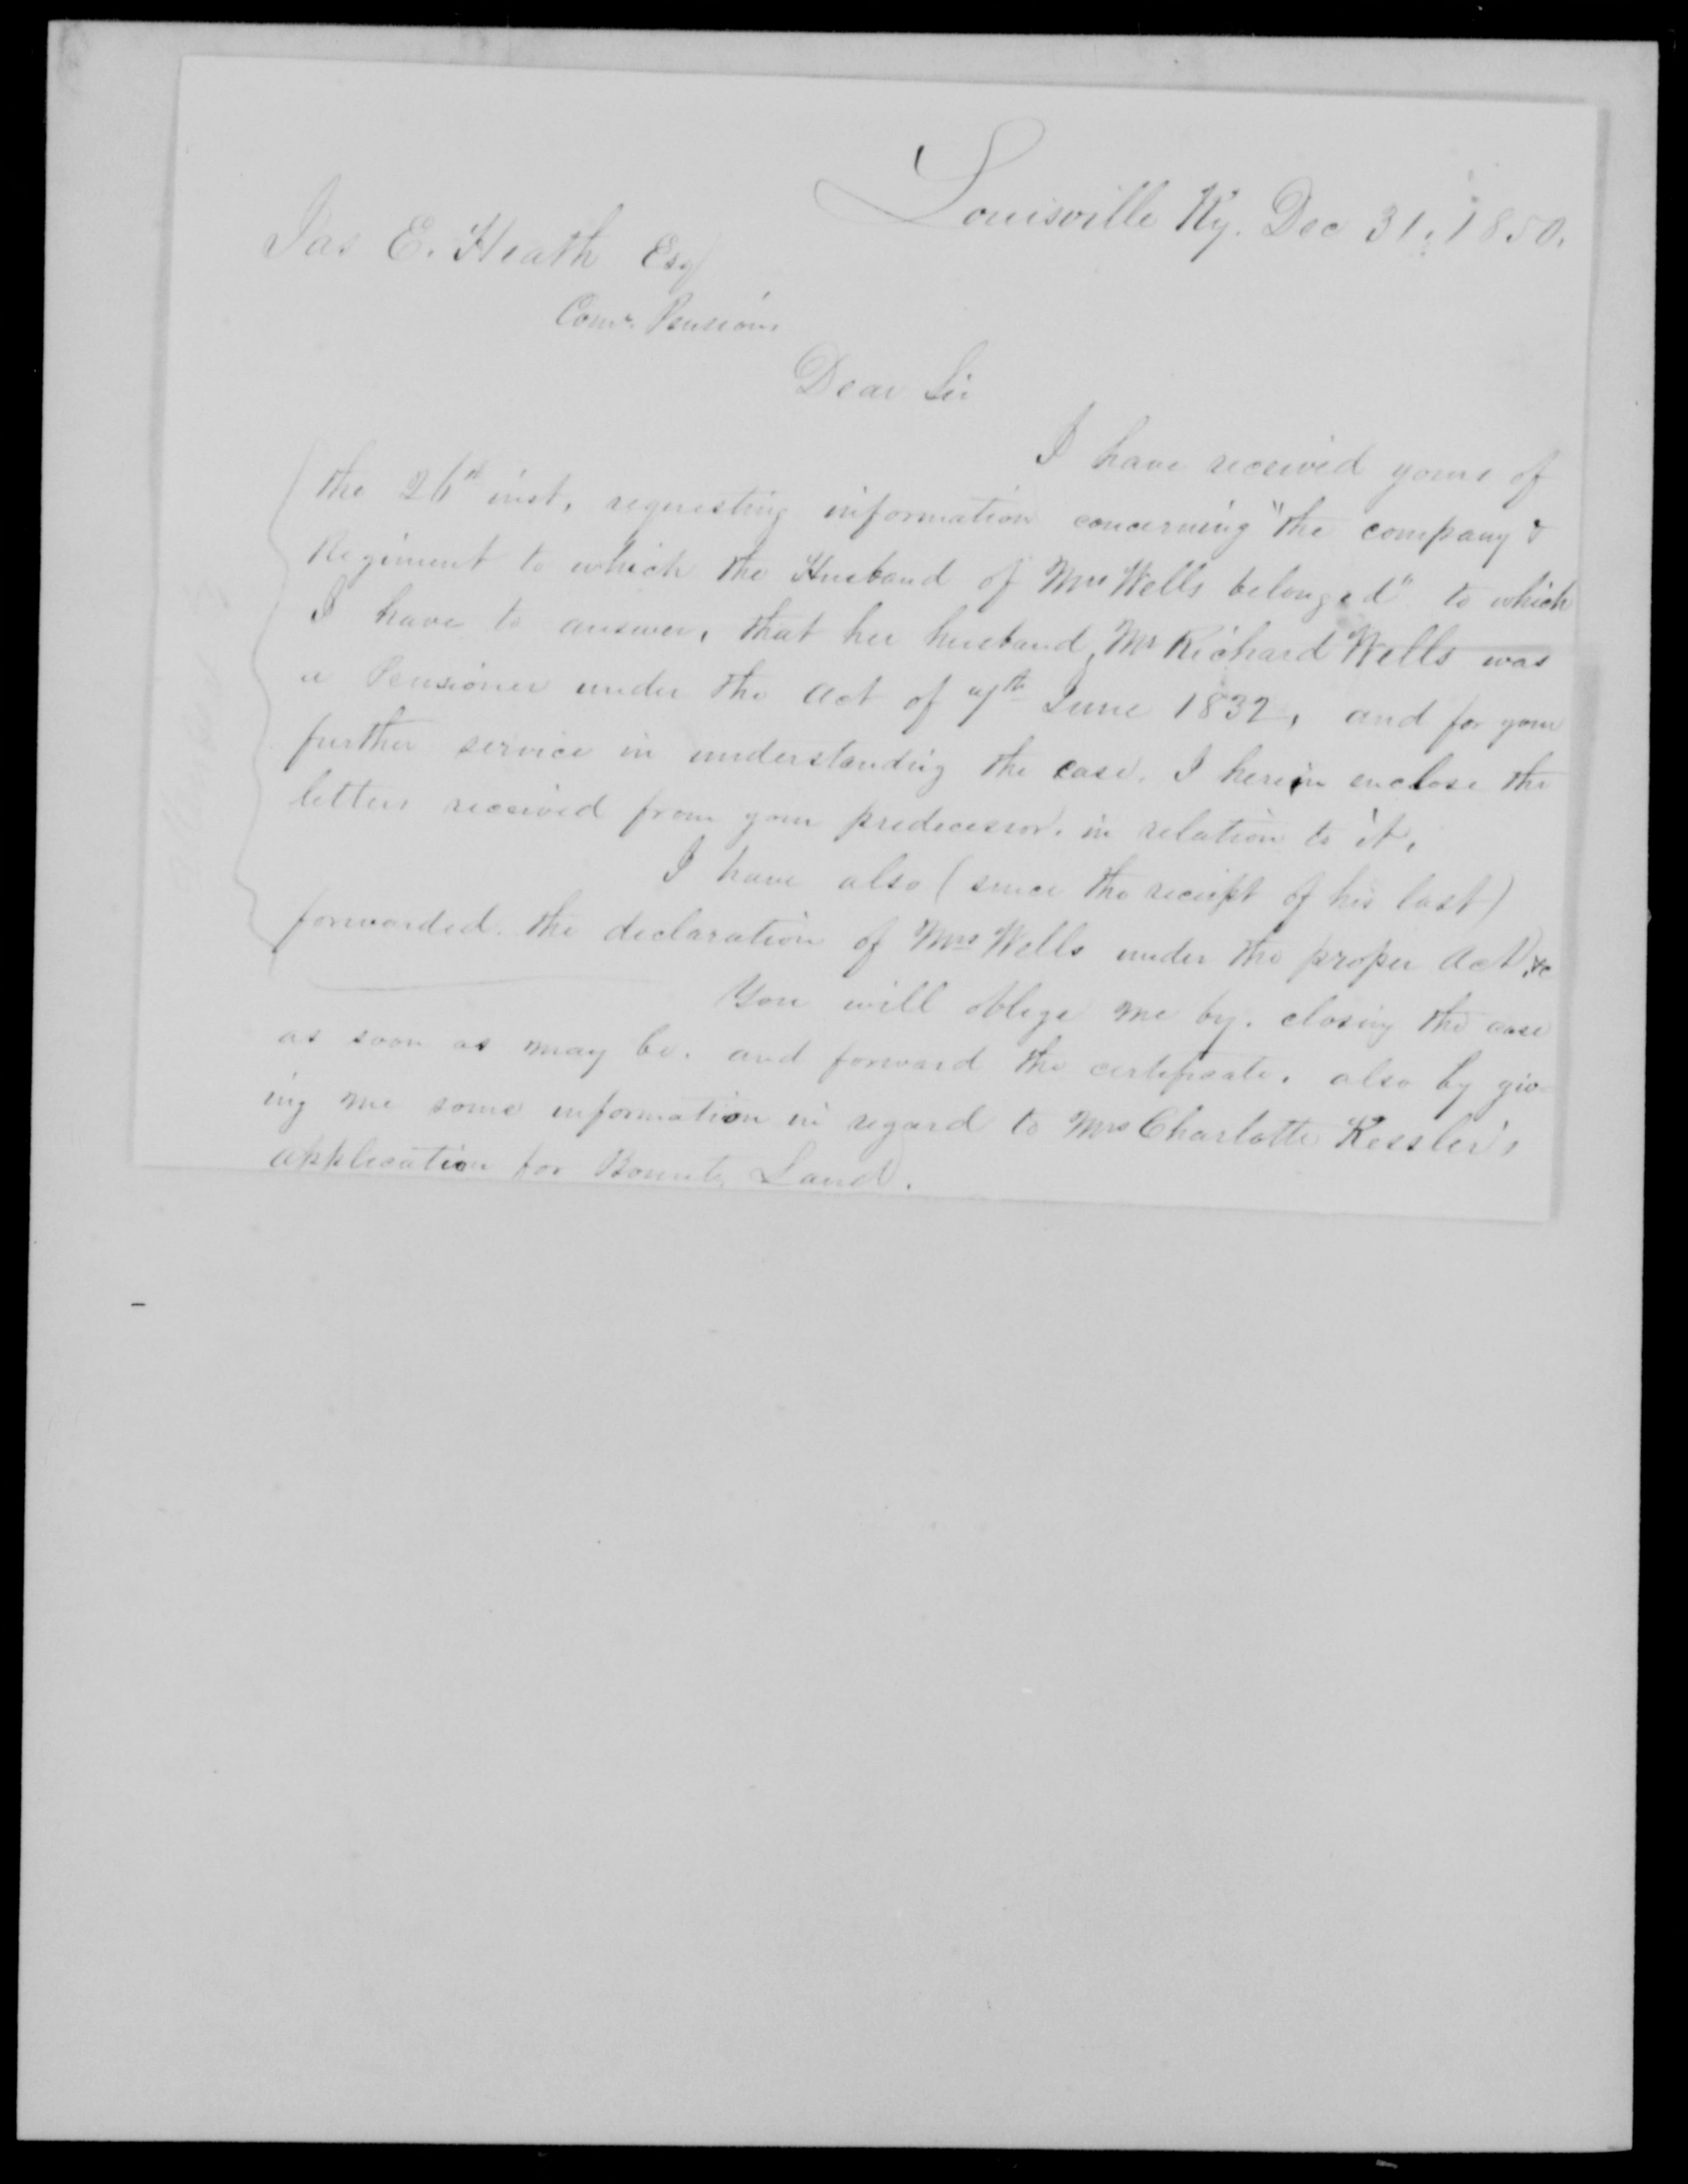Jas (James) E. Heath, Esq.
Cont. Pensions

Dear Sir

I have received yours of the 26th requesting information concerning "the company & Regiment to which the husband of Mrs. Wells belonged" to which I have to answer, that her husband, Mr. Richard Wells was a Pensioner under the Act of 7th June 1832, and for your further service in understanding the case.
I herein enclose the letters received from your predecessor in relation to it.
I have also (since the receipt of his last) forwarded the declaration of Mrs. Wells under the proper Act.
You will oblige me by closing the case as soon as may be and forward the certificate also by giving me some information in regard to Mrs. Charlotte Kesler's application for Bounty Land.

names: Jas E Heath, Charlotte Kessler, Richard Wells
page: 49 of 100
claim: widow's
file: W. 6437, Richard Wells, Ga Va.